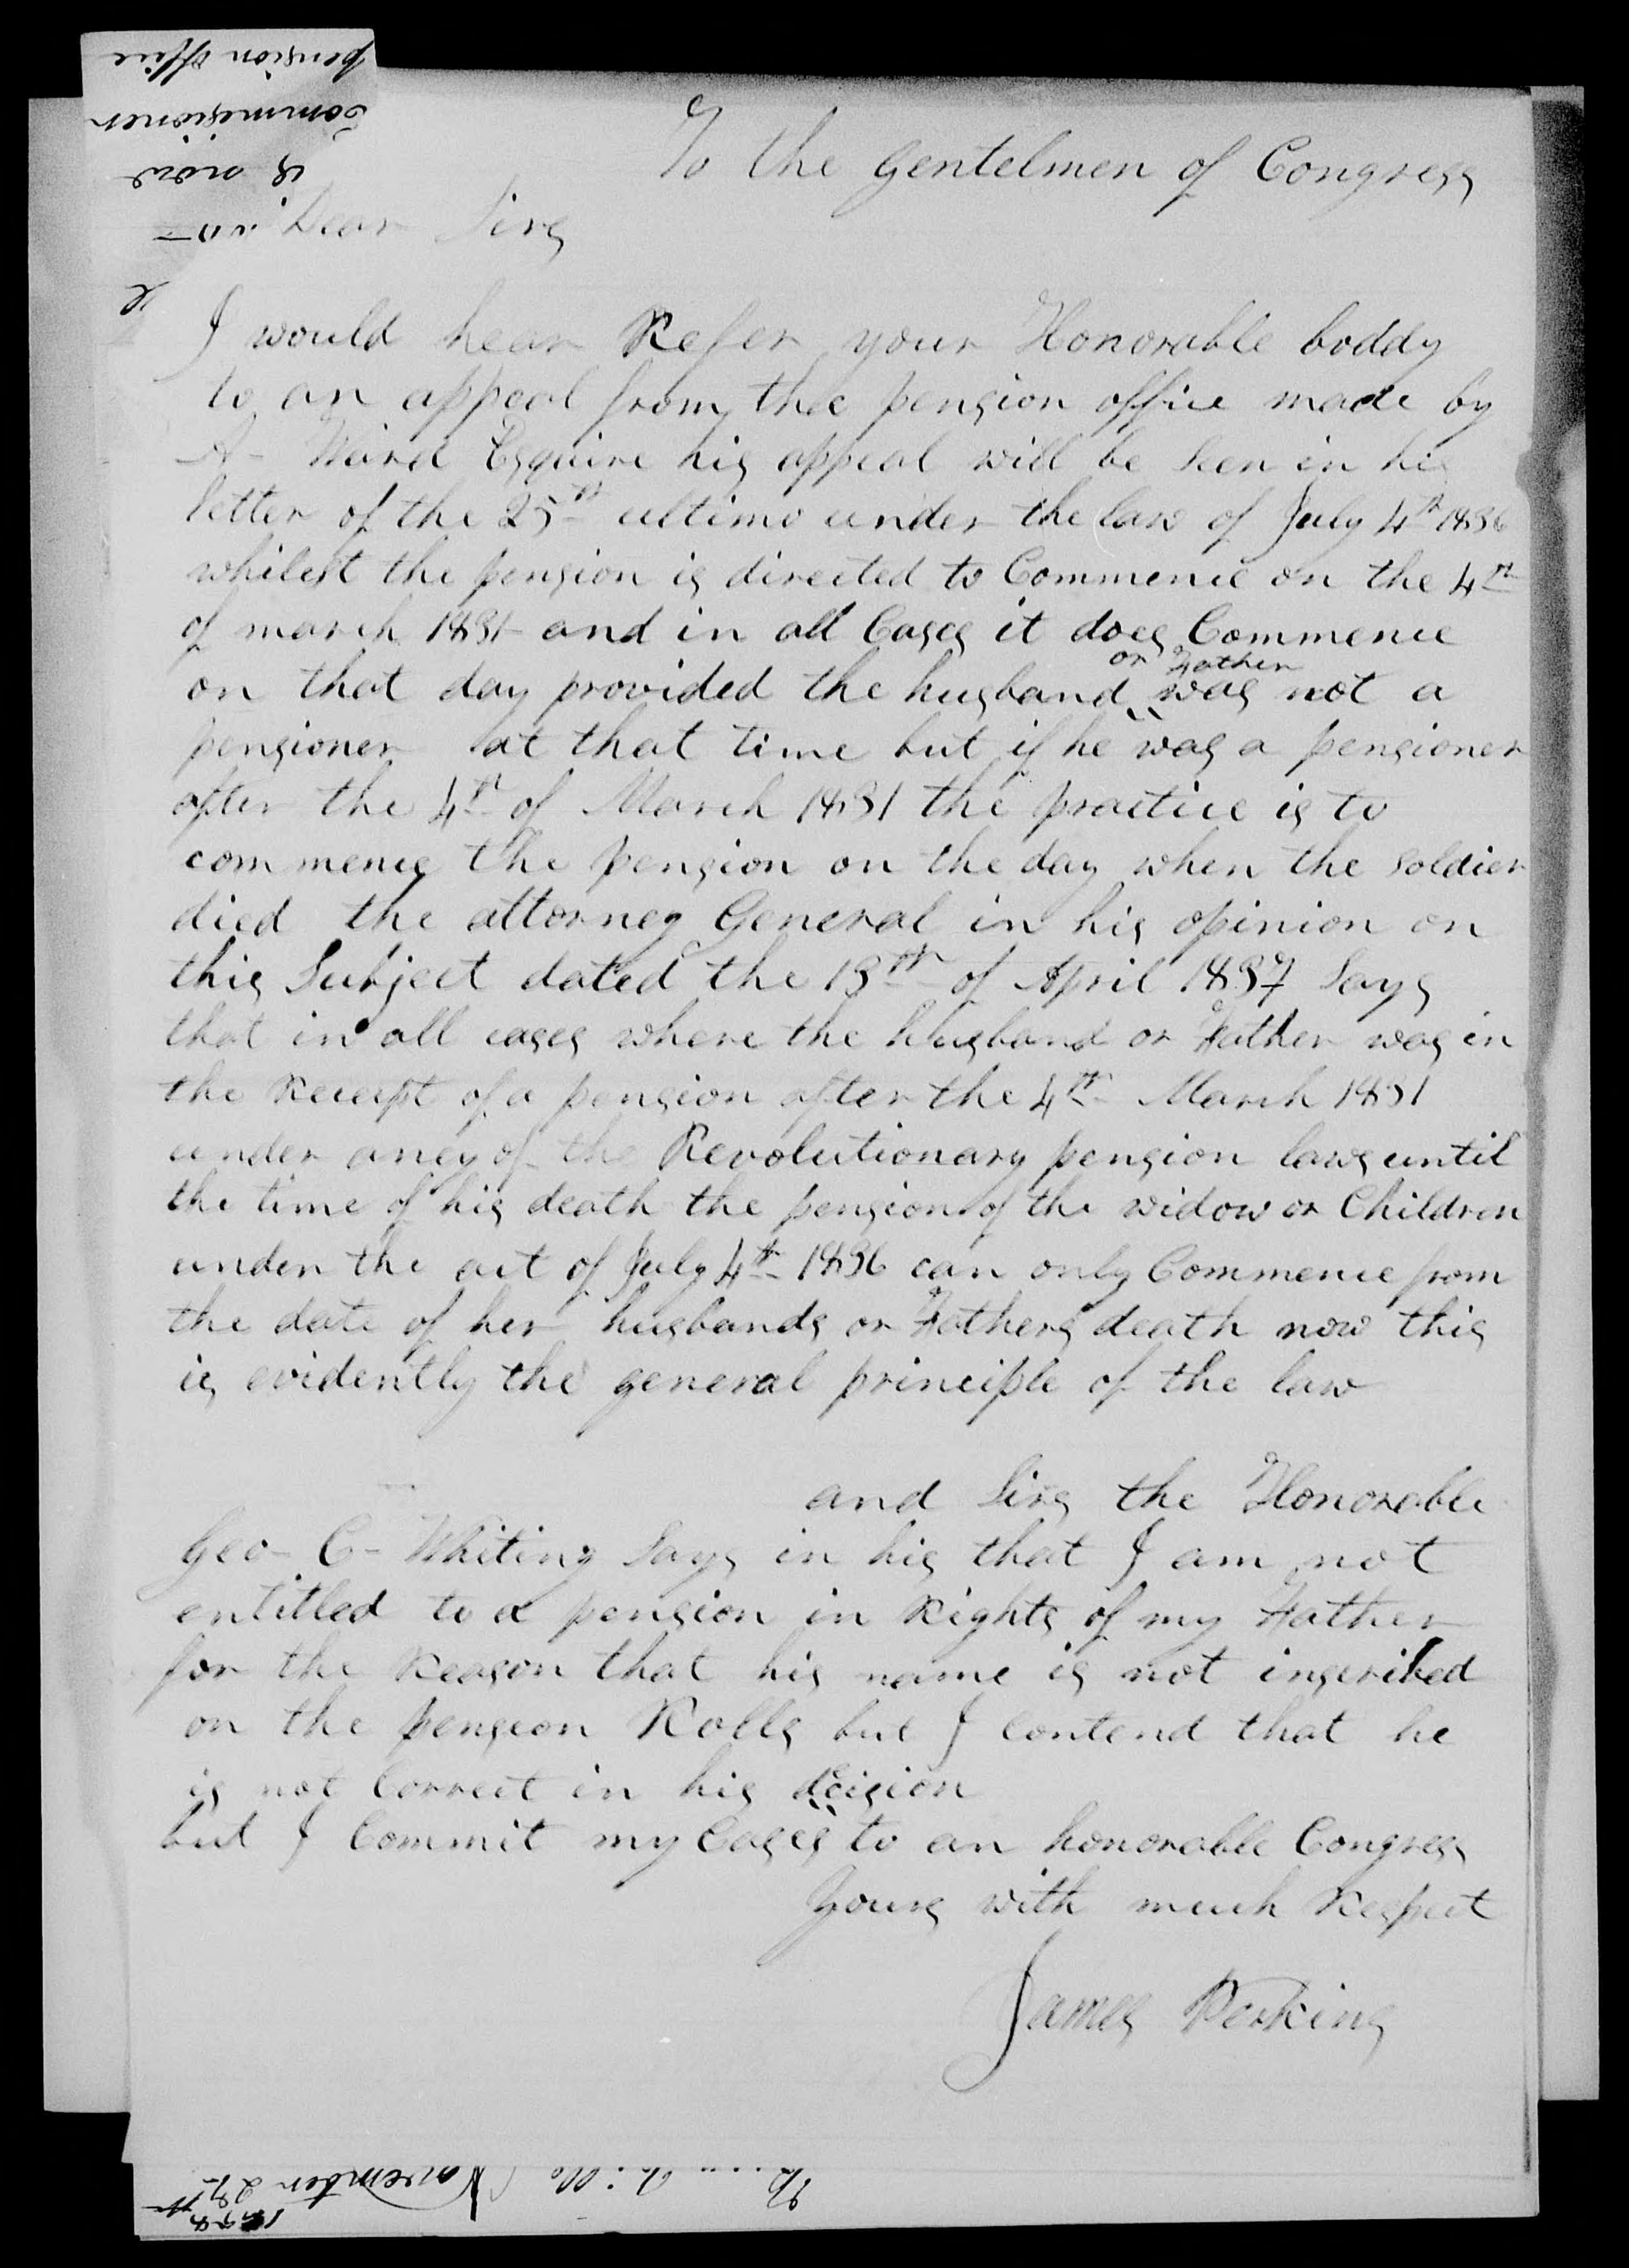To the Gentelmen of Congress 
Dear Sirs 
I would hear Refer your Honorable boddy to an appeal from the pension office made by A. Ward Esquire his appeal will be seen in his letter of the 25th ultimo under the law of July 4th 1836 whilst the pension is directed to Commence on the 4th of March 1831 and in all Cases it does Commence on that day provided the husband or Father was not a pensioner at that time but if he was a pensioner after the 4th of March 1831 the practice is to commence the pension on the day when the soldier died the attorney General in his opinion on this Subject dated the 13th of April 1837 Says that in all cases where the husband or Father was in the receipt of a pension after the 4th March 1831 under any of the Revolutionary pension laws until the time of his death the pension of the widow or Children under the act of July 4th 1836 can only Commence from the date of her husbands or Fathers death now this is evidently the general principle of the law 
and Sirs the Honorable Geo C. Whiting says in his that I am not entitled to a pension in Rights of my Father for the Reason that his name is not inscribed on the pension Rolls but I contend that he if not correct in his decision 
but I commit my cases to an honorable Congress 
Yours with much respect 
[signed] James Perkins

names: Geo C Whiting; A Ward; James Perkins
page: 40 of 44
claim: rejected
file: R. 17,033, for Joseph Perkins, New York